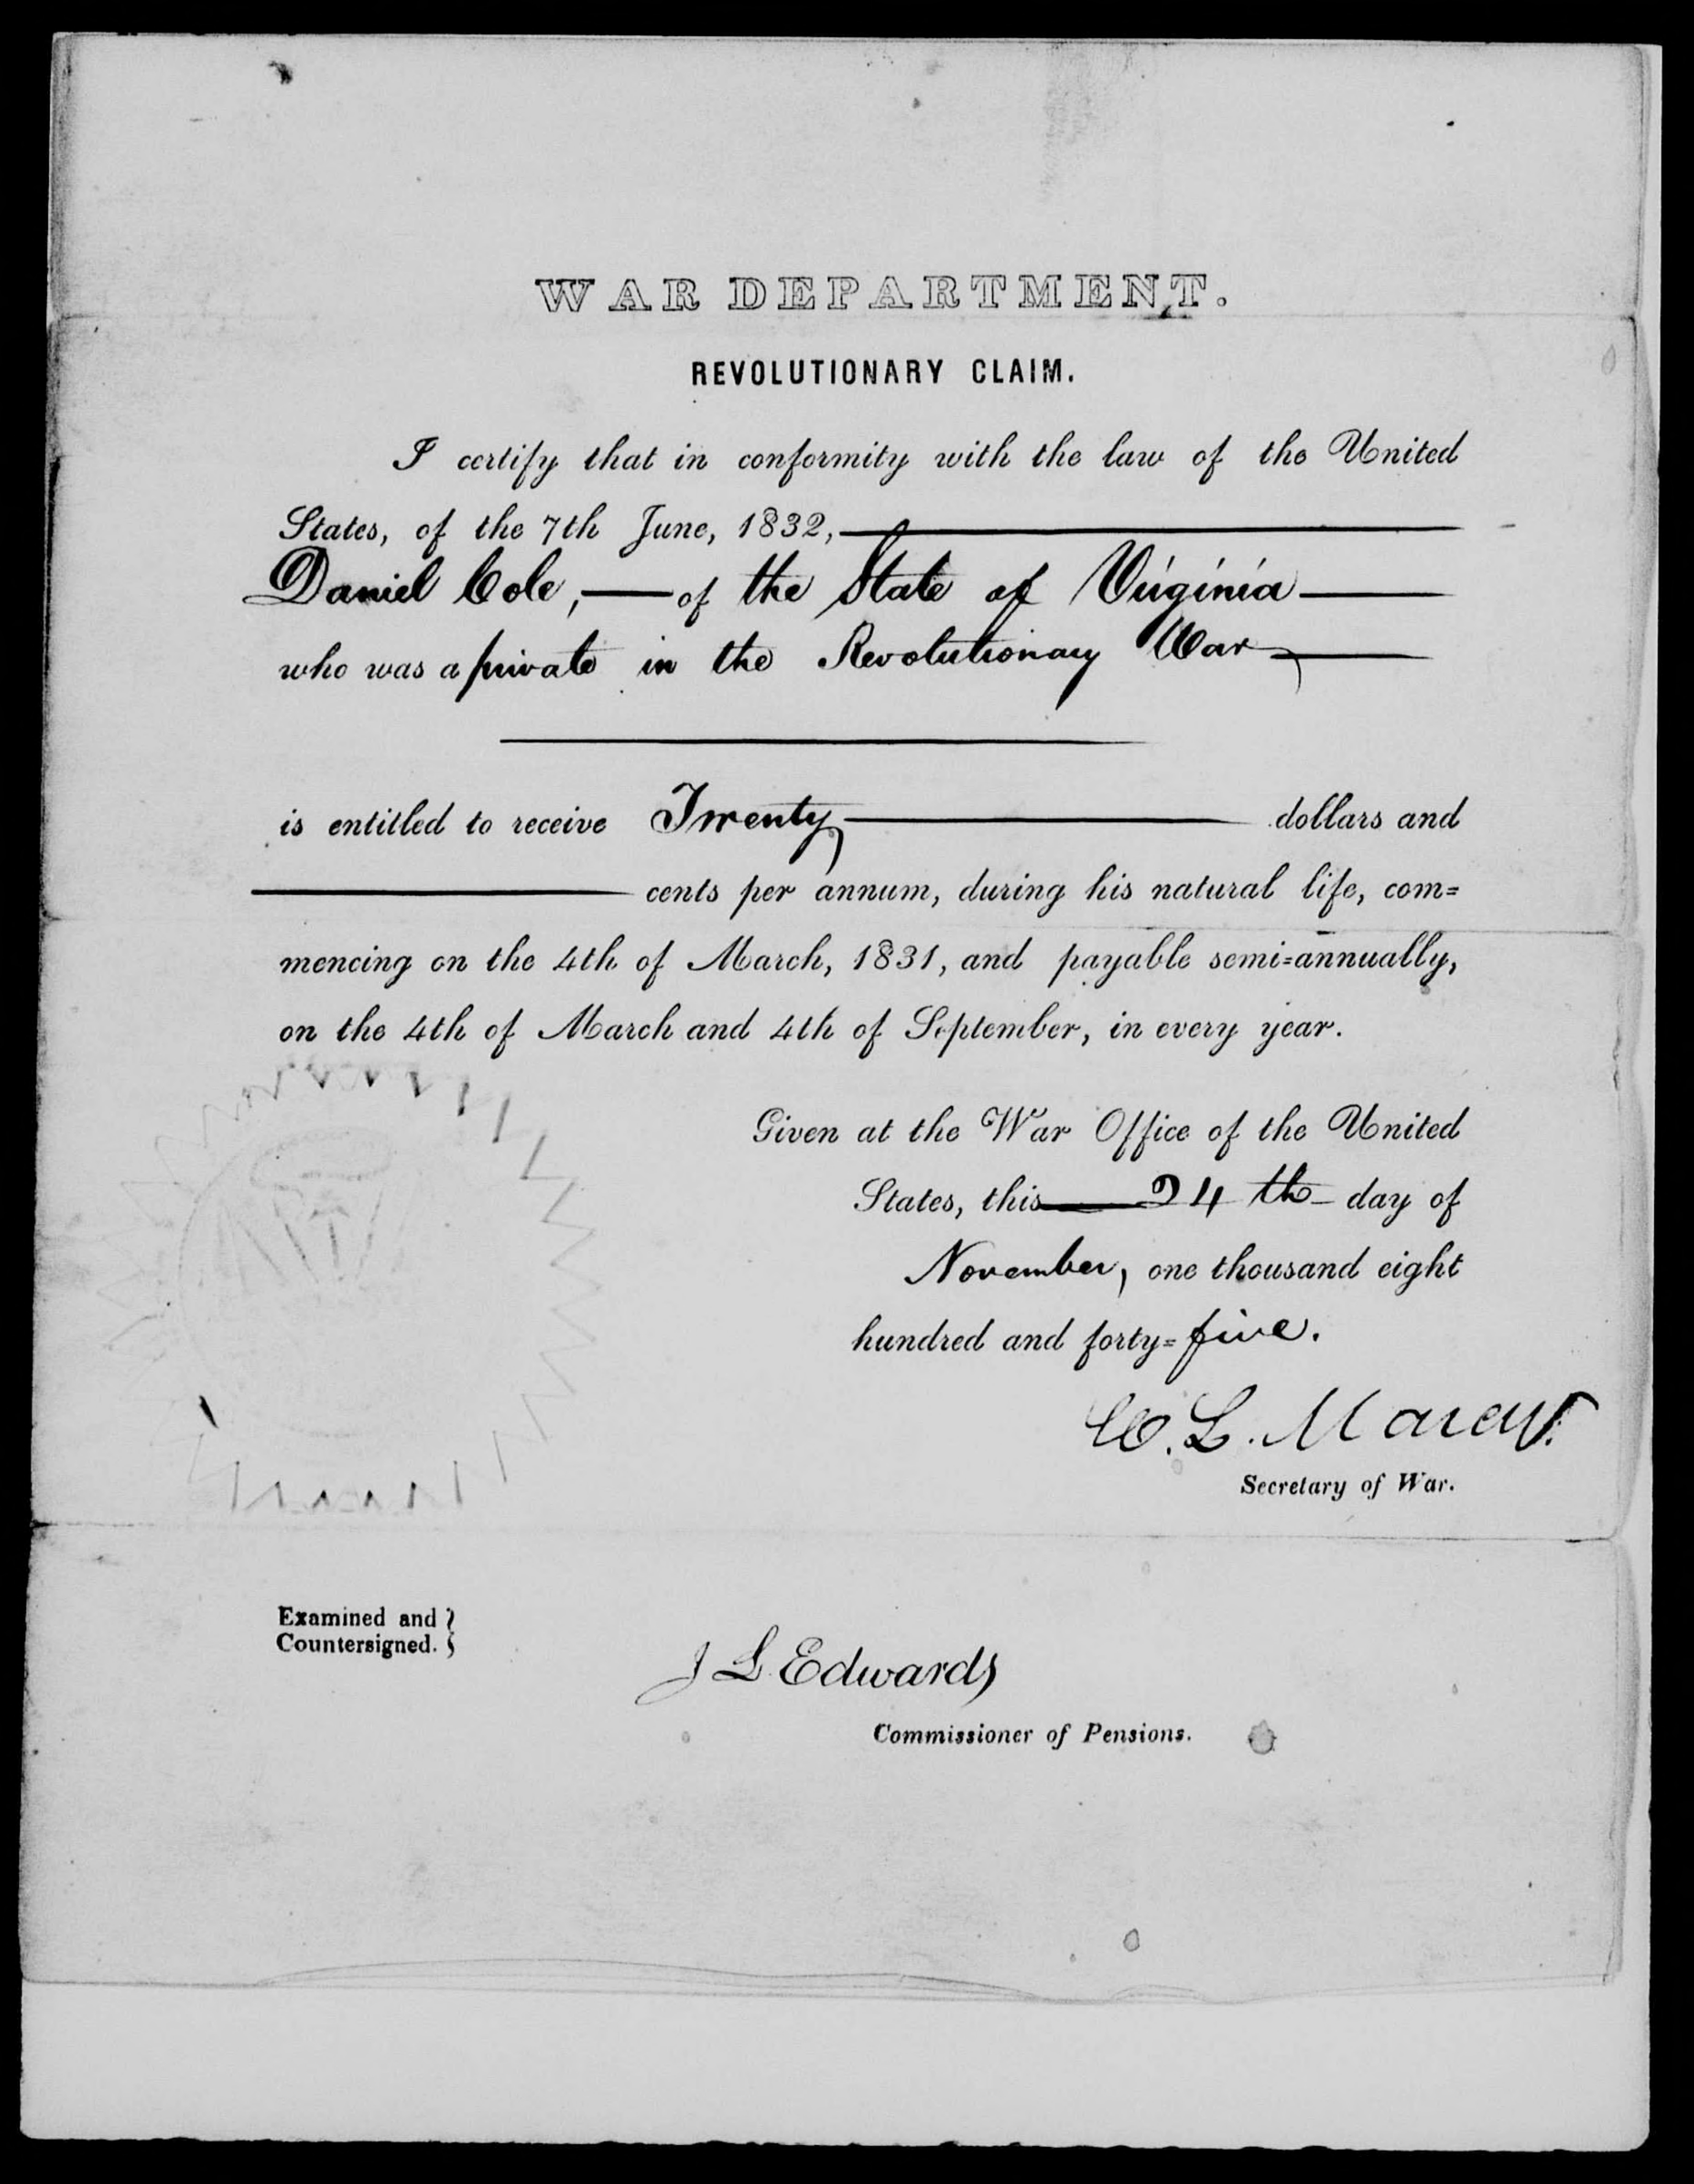WAR DEPARTMENT [header, centered]

REVOLUTIONARY CLAIM [centered]

I certify that in conformity with the law of the United States, of the 7th June, 1832, _Daniel Cole_ of the State of Virginia_ who was a private in the Revolutionary War_is entitled to receive _Twenty_ dollars and 
[blank] cents per annum, during his natural life, commencing
on the 4th of March, 1831, and payable semi-annually, on the 4th of March and the 4th of September, in every year.

Given at the War Office of the United
States, this _24th_day
of November, one thousand eight
hundred and forty-five.

W. L. Marcy
Secretary of War

[illegible stamp or seal]

Examined and
Countersigned.

J.L. Edwards
Commissioner of Pensions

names: W L Marcy, Daniel Cole, J L Edwards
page: 38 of 61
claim: survivor's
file: S. 8236, Daniel Cole, Va.